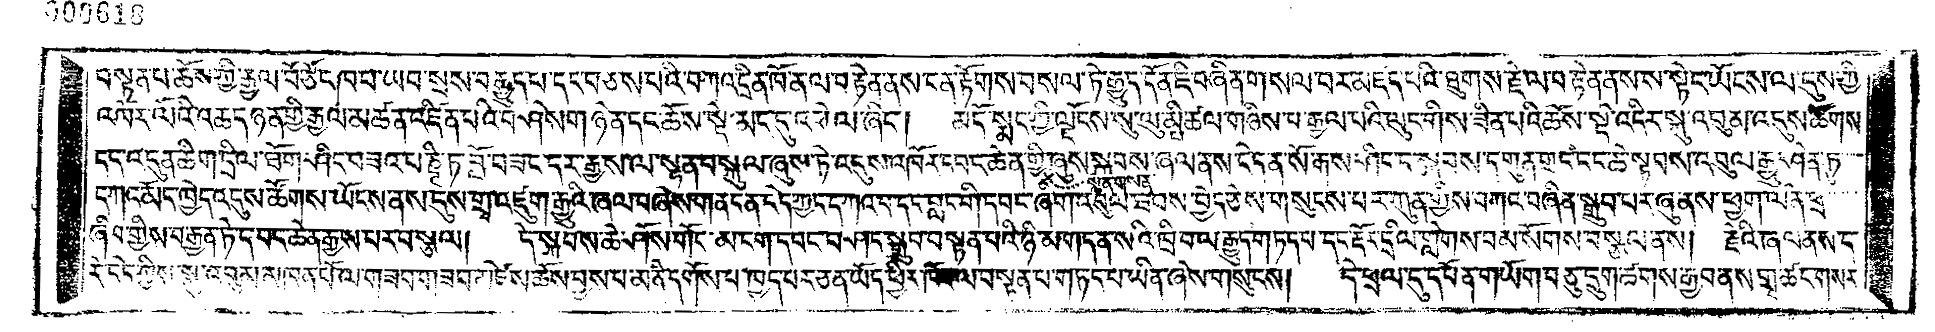བསྟན་པ་ཆོས་ཀྱི་རྒྱལ་པོ་ཙོང་ཁ་པ་ཡབ་སྲས་བརྒྱུད་པ་དང་བཅས་པའི་བཀའ་དྲིན་ཁོ་ན་ལ་བརྟེན་ནས་ངན་རྟོགས་བསལ་ཏེ་རྒྱུད་དོན་ཇི་བཞིན་གསལ་བར་མཛད་པའི་ཐུགས་རྗེ་ལ་བརྟེན་ནས་ས་སྟེང་ཡོངས་ལ་དུས་ཀྱི་
འཁོར་ལོའི་འཆད་ཉན་གྱི་རྒྱལ་མཚན་འཛིན་པའི་བཤེས་གཉེན་དང་ཆོས་སྡེ་མང་དུ་འཕེལ་ཞིང་། མདོ་སྨད་ཀྱི་ལྗོངས་སུ་ལུ་མི་པ་ཚལ་གཉིས་པ་རྒྱལ་བའི་ལུང་གིས་ཟིན་པའི་ཆོས་སྡེ་འདིར་སྐུ་འབུམ་འདུས་ཚོགས་
དད་འདུན་ཆིག་དྲིལ་ཐོག་ཤིང་བཟའ་པཎྜི་ཏ་བློ་བཟང་དར་རྒྱས་ལ་སྙན་བསྐུལ་ཞུས་ཏེ་འདུས་འཁོར་དབང་ཆེན་གྱི་སྙན་གསན་ཞུས་སྐབས་ཞལ་ནས་ངེད་ན་སོ་རྒས་ཤིང་ད་སྐབས་དགུན་གྲང་དད་ཆེ་སྟབས་འབུལ་རྒྱུ་ཤིན་ཏུ་
དཀའ་མོད་ཁྱེད་འདུས་ཚོགས་ཡོངས་ནས་དུས་གྲྭ་འཛུག་རྒྱུའི་ཞལ་བཞེས་གནང་ན་ངེད་ཀྱང་དཀའ་བ་དང་བླང་གི་དབང་ཞིག་འབུལ་ཐབས་བྱེད་ཅེས་གསུངས་པར་ཀུན་གྱིས་བཀའ་བཞིན་སྒྲུབ་པར་ཞུ་ནས་ཕྱག་ལེན་ཕྲ་
ཞིབ་གྱིས་བརྒྱན་ཏེ་དབང་ཆེན་རྒྱས་པར་བསྩལ། དེ་སྐབས་ཆེ་ཤོས་གོང་མ་ངག་དབང་བཤད་སྒྲུབ་བསྟན་པའི་ཉི་མ་གདན་སའི་ཁྲི་བ་ལ་རྒྱུད་གཏད་པ་དང་རྡོར་དྲིལ་གླེགས་བམ་སོགས་བསྩལ་ནས། རྗེའི་ཞལ་ནས་ད་
རེ་ངེད་ཀྱིས་སྐུ་འབུམ་མཁན་པོ་ལ་གཟབ་གཟབ་མཛེས་ཆོས་བྱས་པ་མ་ནི་དགོས་པ་ཁྱད་པར་ཅན་ཡོད་ཕྱིར་ཁོང་ལ་བསྟན་པ་གཏད་པ་ཡིན་ཞེས་གསུངས། དེ་ཕྲལ་དུ་དཔོན་གཡོག་བཅུ་དྲུག་ཚགས་རྒྱབ་ནས་གྲྭ་ཚང་གསར་